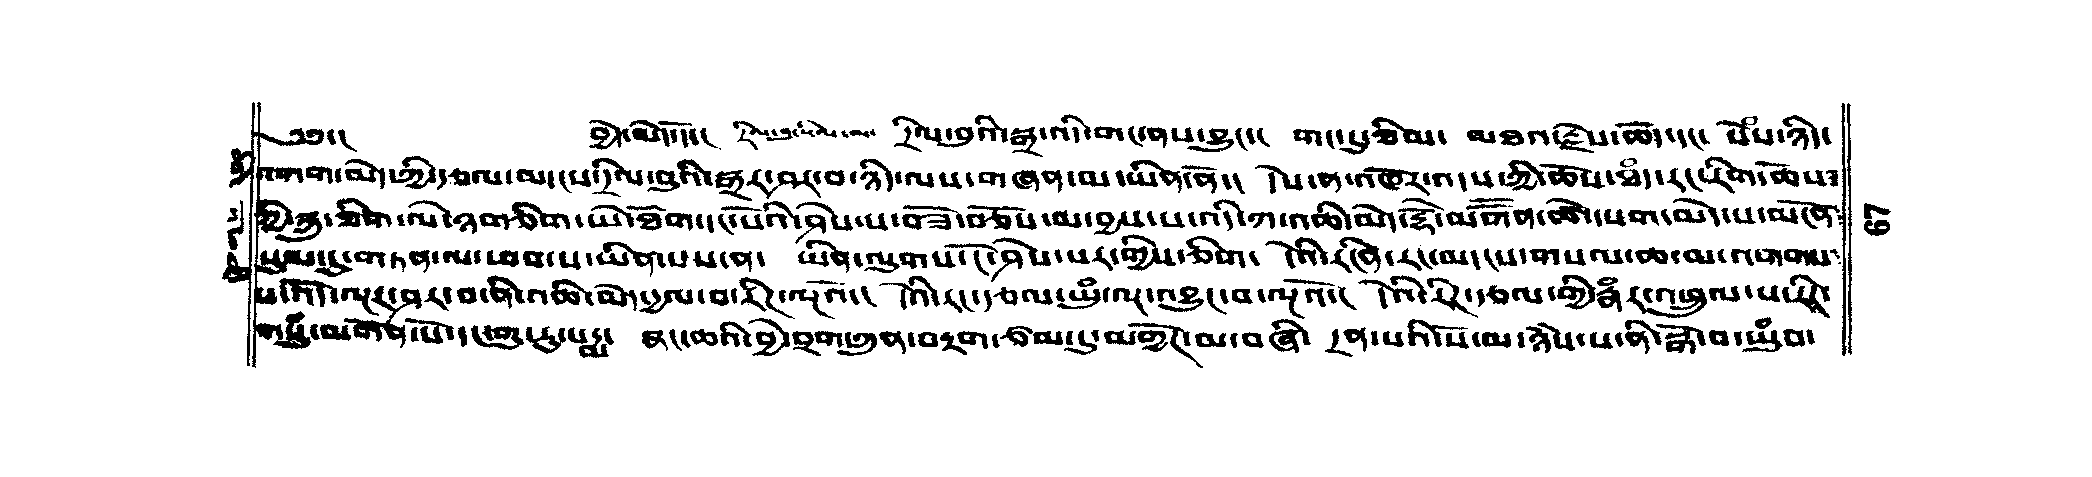བྱེད་མེད་དོ། དྲིལ་བུ་སིལ་མ།དྲིལ་བུའི་སྒྲ་འདི་གང་ནས་བྱུང་། གང་དུ་ཐིམ། མཐའ་རྗེས་ཆོད་དང་། སེམས་ཉིད་
འགག་མེད་ཀྱི་རྩལ་མདངས་དྲིལ་བུའི་སྒྲར་ཤར་བ་ཉིད་ལས་གཞན་མ་ཡིན་ནོ། དེས་ན་འཁོར་འདས་ཀྱི་ཆོས་ཐམས་ཅད་རང་རིག་ཆོས་
ཀྱི་སྐུ་ཐིག་ལེ་ཉག་གཅིག་ཡེ་ཐོག་དང་པོའི་ཤེས་པ་བཟོ་བཅོས་མ་བྱས་པ་འདི་ཀ་འཆི་མེད་རྡོ་རྗེ་མགོན་པོ་ཚེ་དཔག་མེད་པ་མངོན་
སུམ་དུ་གཏན་ལ་ཕབ་པ་ཡིན་པས་ན། ཡིན་ལུགས་ངོ་ཤེས་པར་གྱིས་ཅིག དེའི་རང་བཞིན་རང་མདངས་གསལ་ཆ་མ་འགགས་
པ་འོད་ལྔར་ཤར་བ་ནི་འཆི་མེད་རྒྱལ་བ་རིགས་ལྔའོ། དེའི་རང་རྩལ་ཡུམ་ལྔ་འབྱུང་བ་ལྔའོ། དེའི་རིགས་རྩལ་གྱི་རྣམ་པར་འཕྲུལ་པར་རིགས་
གསུམ་མགོན་པོ་དང་གུ་རུ་པདྨ། སྣང་ཆའི་བྱེ་བྲག་ཀུན་བརྟག་ཙམ་དུ་མགྱོགས་མ་བཞི། དྲན་པའི་སོ་མ་ཉམས་པ་ནི་སྒོ་བ་ཡབ་ཡུམ་